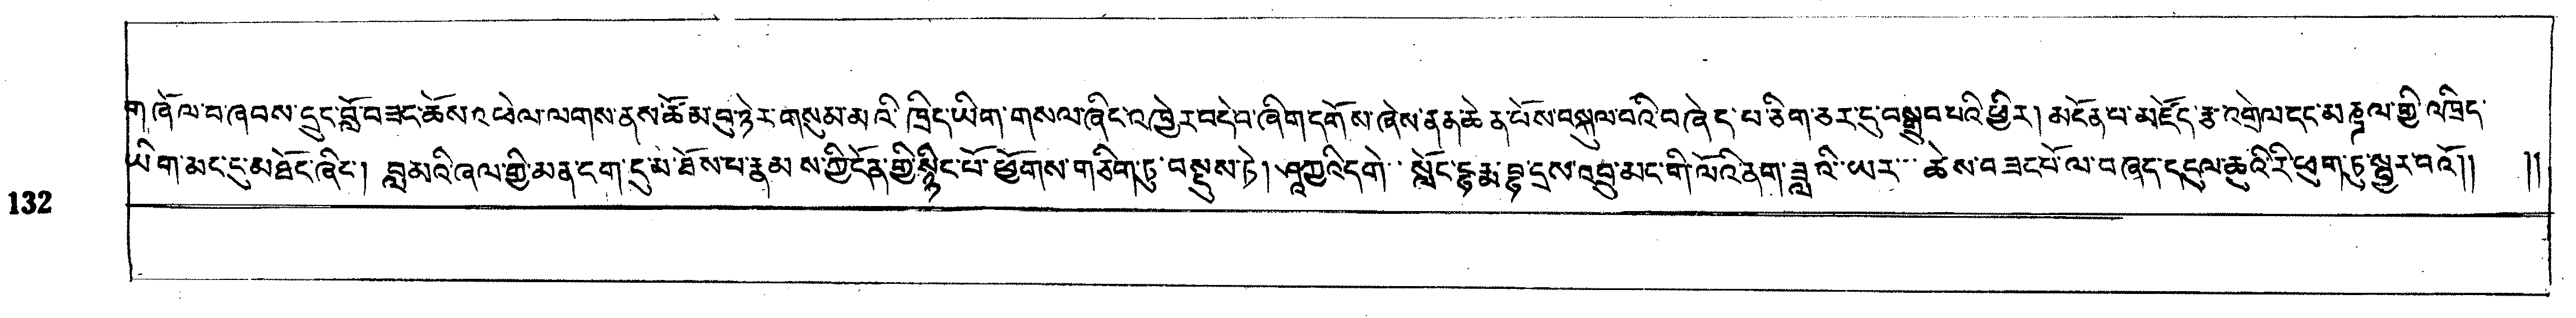གཞོལ་བ་ཞབས་དྲུང་བློ་བཟང་ཆོས་འཕེལ་ལགས་ནས་ཚོམ་བུ་ཉེར་གསུམ་མའི་ཁྲིད་ཡིག་གསལ་ཞིང་འཁྱེར་བདེ་བ་ཞིག་དགོས་ཞེས་ནན་ཆེན་པོས་བསྐུལ་བའི་བཞེད་པ་ཅིག་ཅར་དུ་བསྒྲུབ་པའི་ཕྱིར། མངོན་པ་མཛོད་རྩ་འགྲེལ་དང་མཎྜལ་གྱི་འཁྲིད་
ཡིག་མང་དུ་མཐོང་ཞིང་། བླ་མའི་ཞལ་གྱི་མན་ངག་དུ་མ་ཐོས་པ་རྣམས་ཀྱི་དོན་གྱི་སྙིང་པོ་ཕྱོགས་གཅིག་ཏུ་བསྡུས་ཏེ། ཤཱཀྱའི་དགེ་སློང་དྷརྨ་བྷ་དྲས་འབྲུ་མང་གི་ལོའི་ནག་ཟླའི་ཡར་ཚེས་བཟང་པོ་ལ་བཞད་དངུལ་ཆུའི་རི་ཕུག་ཏུ་སྦྱར་བའོ།། །།